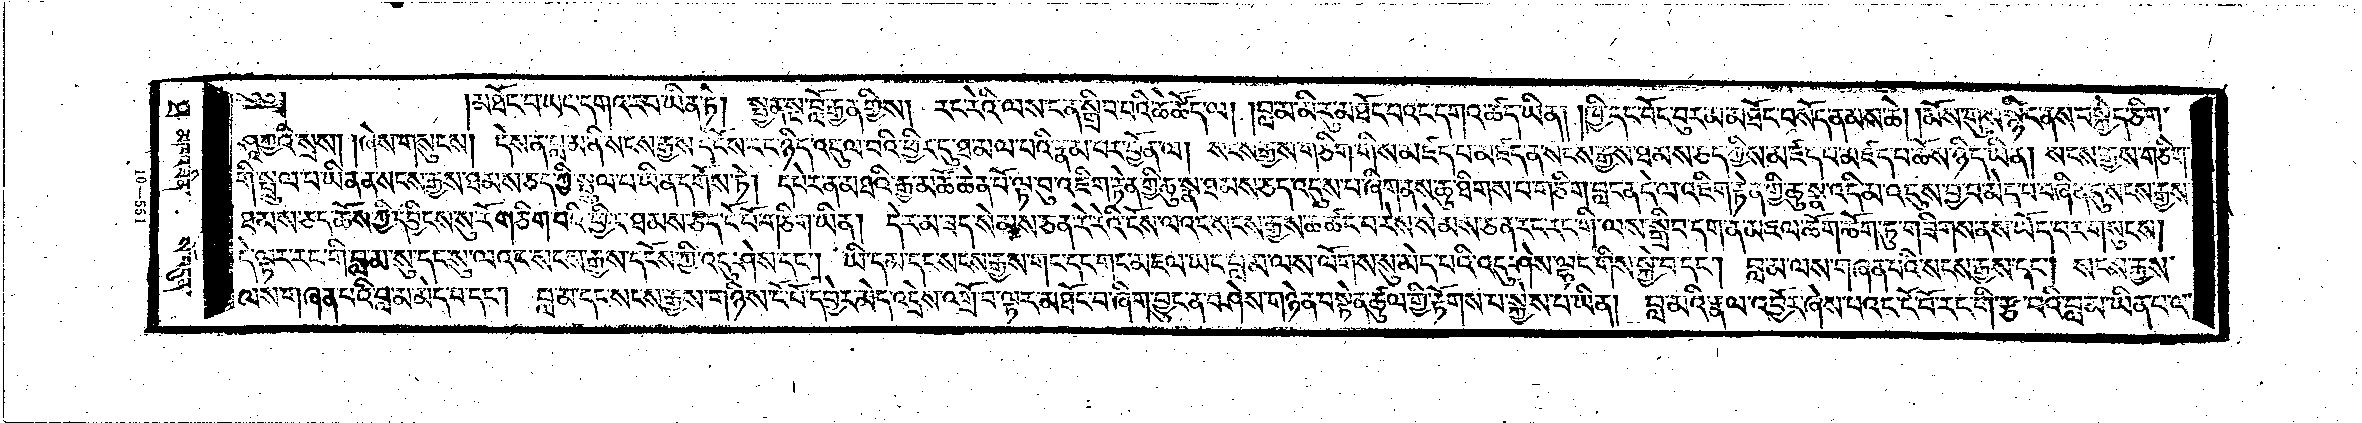༄༅། །མཐོང་བ་ཡང་དགའ་རབ་ཡིན་ཏེ། སྤྱན་སྔ་བློ་རྒྱན་གྱིས། རང་རེའི་ལས་ངན་སྒྲིབ་པའི་ཆེ་ཚོད་ལ། །བླ་མ་མི་རུ་མཐོང་བའང་དགའ་ཚད་ཡིན། ཁྱི་དང་བོང་བུར་མ་མཐོང་བསོད་ནམས་ཆེ། །མོས་གུས་སྙིང་ནས་བསྐྱེད་ཅིག་
ཤཱཀྱའི་སྲས། །ཞེས་གསུངས། དེས་ན་བླ་མ་ནི་སངས་རྒྱས་དངོས་རང་ཉིད་འདུལ་བའི་ཕྱིར་དུ་ཐ་མལ་པའི་རྣམ་པར་བྱོན་ལ། སངས་རྒྱས་གཅིག་གིས་མཛད་པ་མཛད་ན་སངས་རྒྱས་ཐམས་ཅད་ཀྱིས་མཛད་པ་མཛད་པ་ཆོས་ཉིད་ཡིན། སངས་རྒྱས་གཅིག་
གི་སྤྲུལ་པ་ཡིན་ན་སངས་རྒྱས་ཐམས་ཅད་ཀྱི་སྤྲུལ་པ་ཡིན་དགོས་ཏེ། དཔེར་ན་མཐའི་རྒྱ་མཚོ་ཆེན་པོ་ལྟ་བུ་འཇིག་རྟེན་གྱི་ཆུ་སྣ་ཐམས་ཅད་འདུས་པ་ཞིག་ནས་ཆུ་ཐིགས་པ་གཅིག་བླང་ན་དེ་ལ་འཇིག་རྟེན་གྱི་ཆུ་སྣ་འདི་མ་འདུས་བྱ་བ་མེད་པ་བཞིན་དུ་སངས་རྒྱས་
ཐམས་ཅད་ཆོས་ཀྱི་དབྱིངས་སུ་རོ་གཅིག་པའི་ཕྱིར་ཐམས་ཅད་ངོ་བོ་གཅིག་ཡིན། དེར་མ་ཟད་སེམས་ཅན་རེ་རེའི་ངོས་ལའང་སངས་རྒྱས་ཆ་ཚང་བ་རེས་སེམས་ཅན་རང་རང་གི་ལས་སྒྲིབ་དག་ན་མཇལ་ཆོག་ཆོག་ཏུ་གཟིགས་ནས་ཡོད་པར་གསུངས།
དེ་ལྟར་རང་གི་བླ་མ་སུ་དང་སུ་ལའང་སངས་རྒྱས་དངོས་ཀྱི་འདུ་ཤེས་དང་། ཡི་དམ་དང་སངས་རྒྱས་གང་དང་གང་མཇལ་ཡང་བླ་མ་ལས་ལོགས་སུ་མེད་པའི་འདུ་ཤེས་ལྷང་གིས་སྐྱེ་བ་དང་། བླ་མ་ལས་གཞན་པའི་སངས་རྒྱས་དང་། སངས་རྒྱས་
ལས་གཞན་པའི་བླ་མ་མེད་པ་དང་། བླ་མ་དང་སངས་རྒྱས་གཉིས་ངོ་བོ་དབྱེར་མེད་འདྲེས་འགྲོ་བ་ལྟར་མཐོང་བ་ཞིག་བྱུང་ན་བཤེས་གཉེན་བསྟེན་ཚུལ་གྱི་རྟོགས་པ་སྐྱེས་པ་ཡིན། བླ་མའི་རྣལ་འབྱོར་ཞེས་པའང་ངོ་བོ་རང་གི་རྩ་བའི་བླ་མ་ཡིན་པ་ལ་